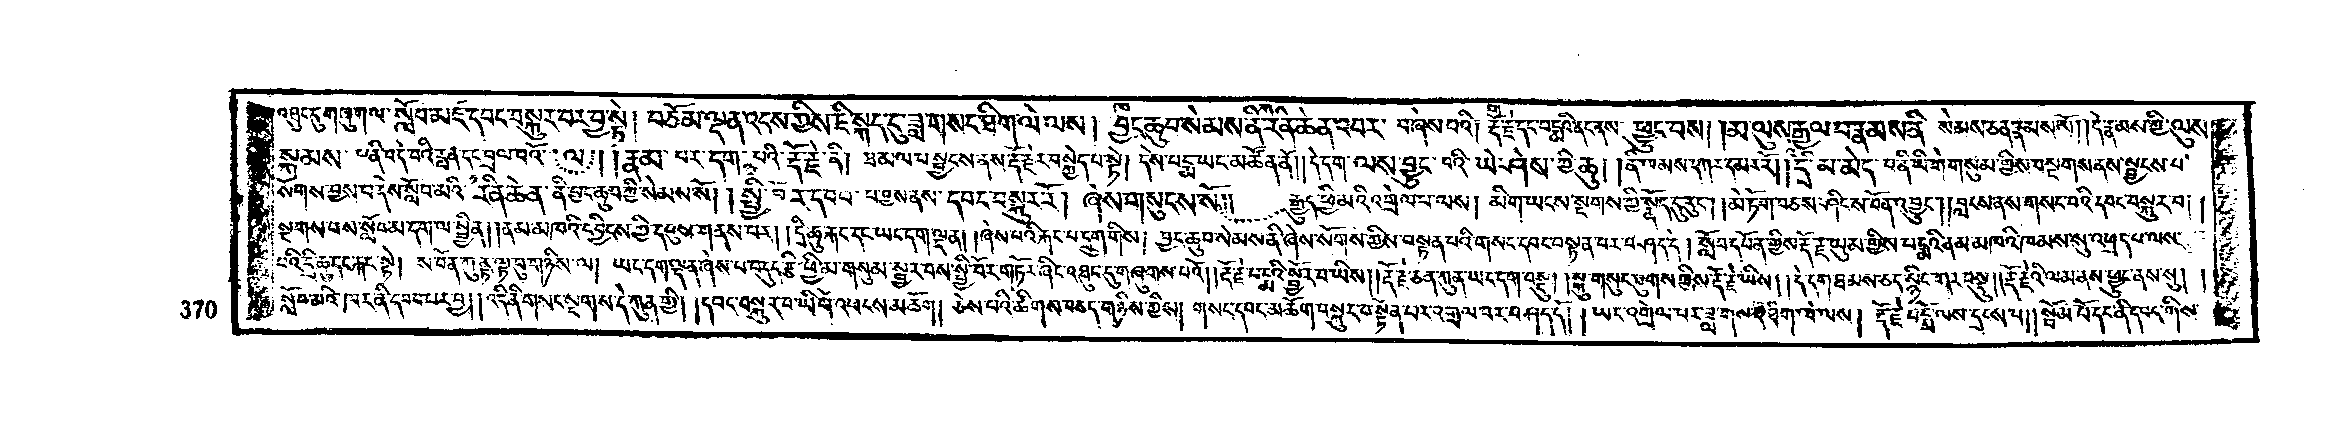འཐུང་དུ་གཞུག་ལ་སློབ་མར་དབང་བསྐུར་བར་བྱ་སྟེ། བཅོམ་ལྡན་འདས་ཀྱིས་ཇི་སྐད་དུ་ཟླ་གསང་ཐིག་ལེ་ལས། ཁ་བྱང་ཆུབ་སེམས་ནི་ཀ་རིན་ཆེན་འབར་བ་ཞེས་པའི། ག་རྡོ་རྗེ་དང་པདམའི་ནང་ནས་ཕྱུང་བས། །མ་ལུས་རྒྱལ་བ་རྣམས་ནི་སེམས་ཅན་རྣམས་སོ། །དེ་རྣམས་ཀྱི་ལུས་
སྐོམས་པ་ནི་བདེ་བའི་རླན་དང་གལ་བའོ་ལ། །རྣམ་པར་དག་པའི་རྡོ་རྗེ་ནི། ཐ་མལ་པ་སྦྱངས་ནས་རྡོ་རྗེར་བསྐྱེད་པ་སྟེ། དེས་པད་མ་ཡང་མཚོན་ནོ། །དེ་དག་ལས་བྱུང་བའི་ཡེ་ཤེས་ཀྱི་ཆུ། ། ནི་ཁམས་དཀར་དམར་རོ། །༢་དྲི་མ་མེད་པ་ནི་ཡི་གེ་གསུམ་གྱིས་བསྔགས་ནས་སྦྱངས་པ་
སོགས་བྱས་པ་དེས་སློབ་མའི ༡་རིན་ཆེན་ནི་བྱང་ཆུབ་ཀྱི་སེམས་སོ། །སྤྱི་བོར་དབབ་པ་བྱས་ནས་དབང་བསྐུར་རོ། ཞེས་གསུངས་སོ།། རྒྱུད་ཕྱི་མའི་འགྲེལ་པ་ལས། མིག་ཡངས་སྔགས་ཀྱི་སྣོད་དུ་རུང་། །མེ་ཏོག་བཅས་ཤིང་ས་བོན་འབྱུང་། །བླངས་ནས་གསང་བའི་དབང་བསྐུར་བ། །
སྔགས་པས་སློབ་མ་དག་ལ་སྦྱིན། །ནམ་མཁའི་དབྱངས་ཀྱི་དབུས་གནས་པར། །དྲི་ཆུ་རྐང་དང་ཡང་དག་ལྡན། །ཞེས་པའི་རྐང་པ་དྲུག་གིས། བྱང་ཆུབ་སེམས་ནི་ཞེས་སོགས་ཀྱིས་བསྟན་པའི་གསང་དབང་བསྟན་པར་བཤད་དེ། སློབ་དཔོན་གྱིས་རྡོ་རྗེ་ཡུམ་གྱིས་པདམའི་ནམ་མཁའི་ཁམས་སུ་འཕྲད་པ་ལས་བྱུང་
བའི་དྲི་ཆུ་དང་རྐང་སྟེ། ས་བོན་ཀུནྟ་ལྟ་བུ་གཉིས་ལ། ཡང་དག་ལྡན་ཞེས་པ་བདུད་རྩི་ཕྱི་མ་གསུམ་སྦྱར་བས་སྤྱི་བོར་གཏོར་ཞིང་འཐུང་དུ་གཞུགས་པའོ། །རྡོ་རྗེ་པདམའི་སྦྱོར་བ་ཡིས། །རྡོ་རྗེ་ཅན་ཀུན་ཡང་དག་བསྡུ། །སྐུ་གསུང་ཐུགས་ཀྱིས་རྡོ་རྗེ་ཡིས། །དེ་དག་ཐམས་ཅད་སྙིང་གར་བསྡུ། །རྡོ་རྗེའི་ལམ་ནས་ཕྱུང་ནས་སུ། །
སློབ་མའི་ཁར་ནི་དབབ་པར་བྱ། །འདི་ནི་གསང་སྔགས་དེ་ཀུན་གྱི། །དབང་བསྐུར་བ་ཡི་གེ་འཕངས་མཆོག །ཅེས་པའི་ཚིགས་བཅད་གཉིས་ཀྱིས། གསང་དབང་མཆོག་བསྐུར་བ་སྟོན་པར་འགྲལ་པར་བཤད་དོ། །ཡང་འགྲེལ་པར་ཟླ་གསང་ཐིག་ལེ་ལས། རྡོ་རྗེ་པདམོ་ལས་དྲངས་པ། །སྦོམ་པོ་དང་ནི་དབང་གིས་